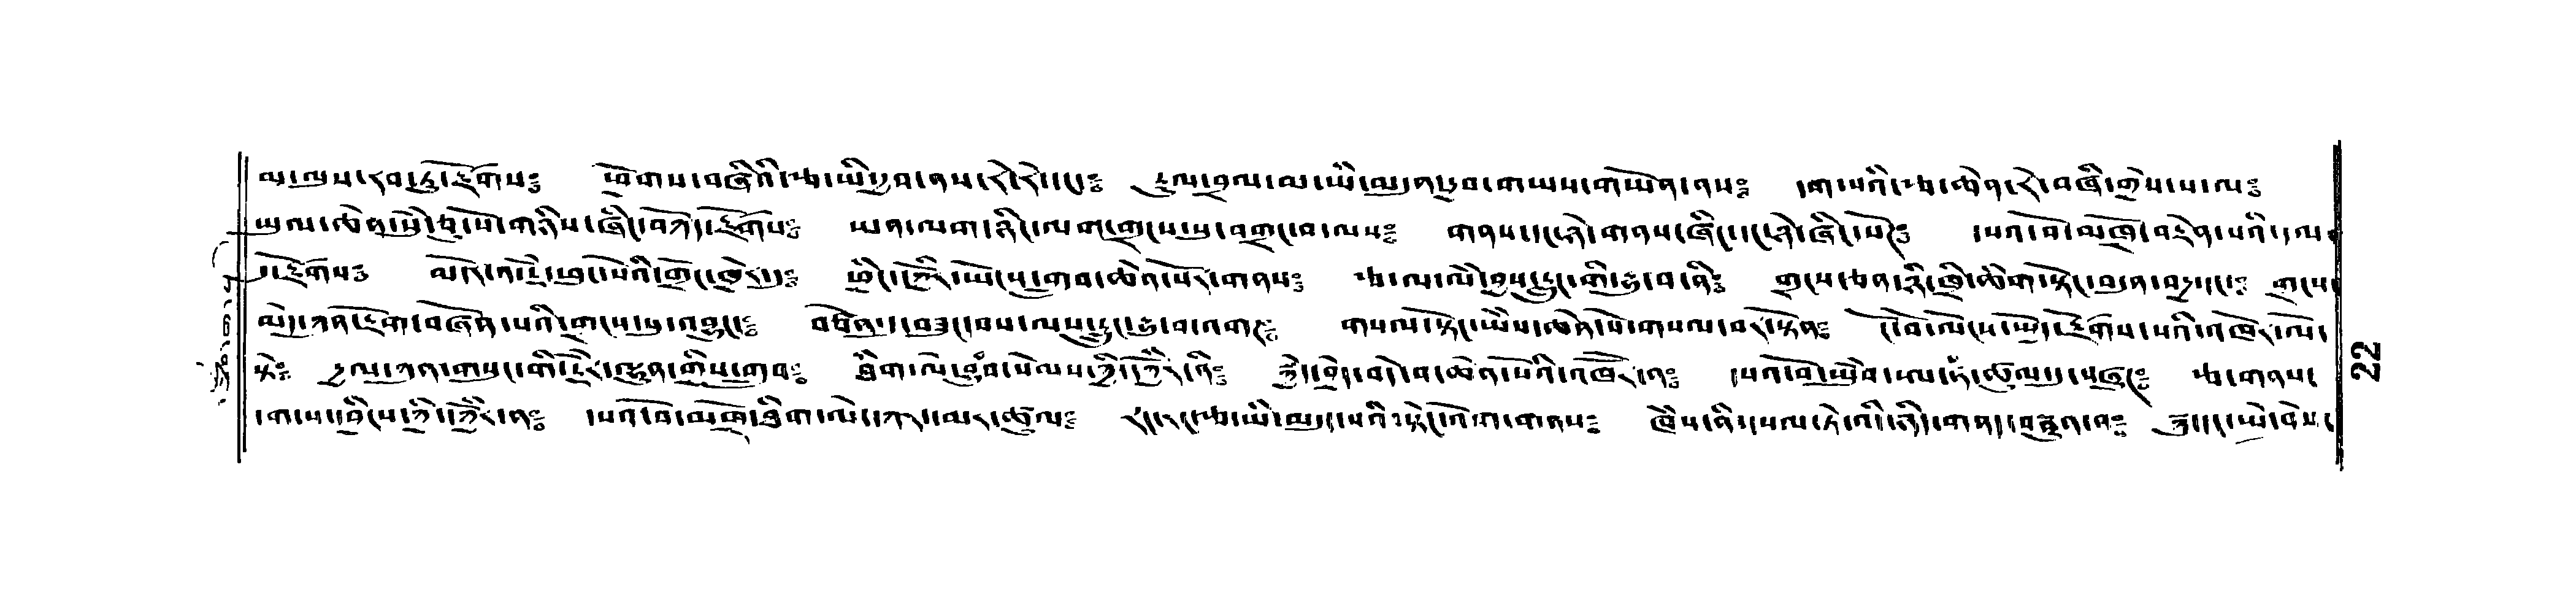མ་ལུས་རབ་ཏུ་རྫོགས༔ ཕྱོགས་བཞིའི་རྩ་ཡི་རྒྱབ་ནས་རེ་རེ་དང༔ རྡུལ་བྲལ་མ་ཡི་མདུན་རྒྱབ་གཡས་གཡོན་ནས༔ དག་པའི་རྩ་ཆེན་ར་བཞི་གྱེས་པ་ལ༔ 
ཡུལ་ཆེན་སུམ་ཅུ་སོ་གཉིས་ཞིང་བཀོད་རྫོགས༔ ཡན་ལག་ཉིང་ལག་གྲངས་སུ་བགྲང་བ་ལས༔ གནས་དང་ཉེ་གནས་ཞིང་དང་ཉེ་ཞིང་སོགས༔ དཔའ་བོ་མཁའ་འགྲོ་བརྟེན་པའི་དལ་
དུ་རྫོགས༔ མདོར་ན་རྡོ་རྗེ་ཕུང་པོ་གྲོང་ཁྱེར་དུ༔ ཕྱི་ནང་དཀྱིལ་འཁོར་ཡོངས་གྲུབ་ཆེན་པོར་གནས༔ རྩ་ལ་ལམ་བྱས་རླུང་གི་རྒྱུ་བ་ནི༔ གྲངས་ཅན་ཉི་ཁྲི་ཆིག་སྟོང་བདུན་བརྒྱ་དང༔ གྲངས་
མེད་ཀུན་རྟོག་བཞོན་པའི་གྲངས་སུ་འབྱུང༔ བཙོན་དུ་བཟུང་བས་ལས་རླུང་རྒྱུ་བ་འགགས༔ གསལ་སྟོང་ཡེ་ཤེས་ཆེན་པོ་གསལ་བར་སྟོན༔ ངོ་བོ་ལོངས་སྤྱོད་རྫོགས་པའི་འཁོར་ལོ་
སྟེ༔ རྒྱལ་ཀུན་གསུང་གི་རྡོ་རྗེར་ལྷུན་གྱིས་གྲུབ༔ ཐིག་ལེ་བྱང་ཆུབ་སེམས་ཀྱི་དཀྱིལ་འཁོར་ནི༔ སྐྱེད་བྱེད་བདེ་བ་ཆེན་པོའི་འཁོར་ལོ་ན༔ དཔའ་བོ་ཡབ་ཡུམ་ཨ་ཧཾ་ཚུལ་དུ་བཞུགས༔ རྩ་གནས་
དག་པ་དབྱིངས་ཀྱི་དཀྱིལ་འཁོར་ན༔ དཔའ་བོ་མཁའ་འགྲོ་ཐིག་ལེ་དཀར་དམར་ཚུལ༔ རང་རང་རྩ་ཡི་མདུད་པའི་སྟེང་འོག་གནས༔ ཁམས་ནི་བརྡལ་ཏེ་འདི་ཉིད་གནད་བསྣུན་ན༔ སྐུ་དང་ཡེ་ཤེས་